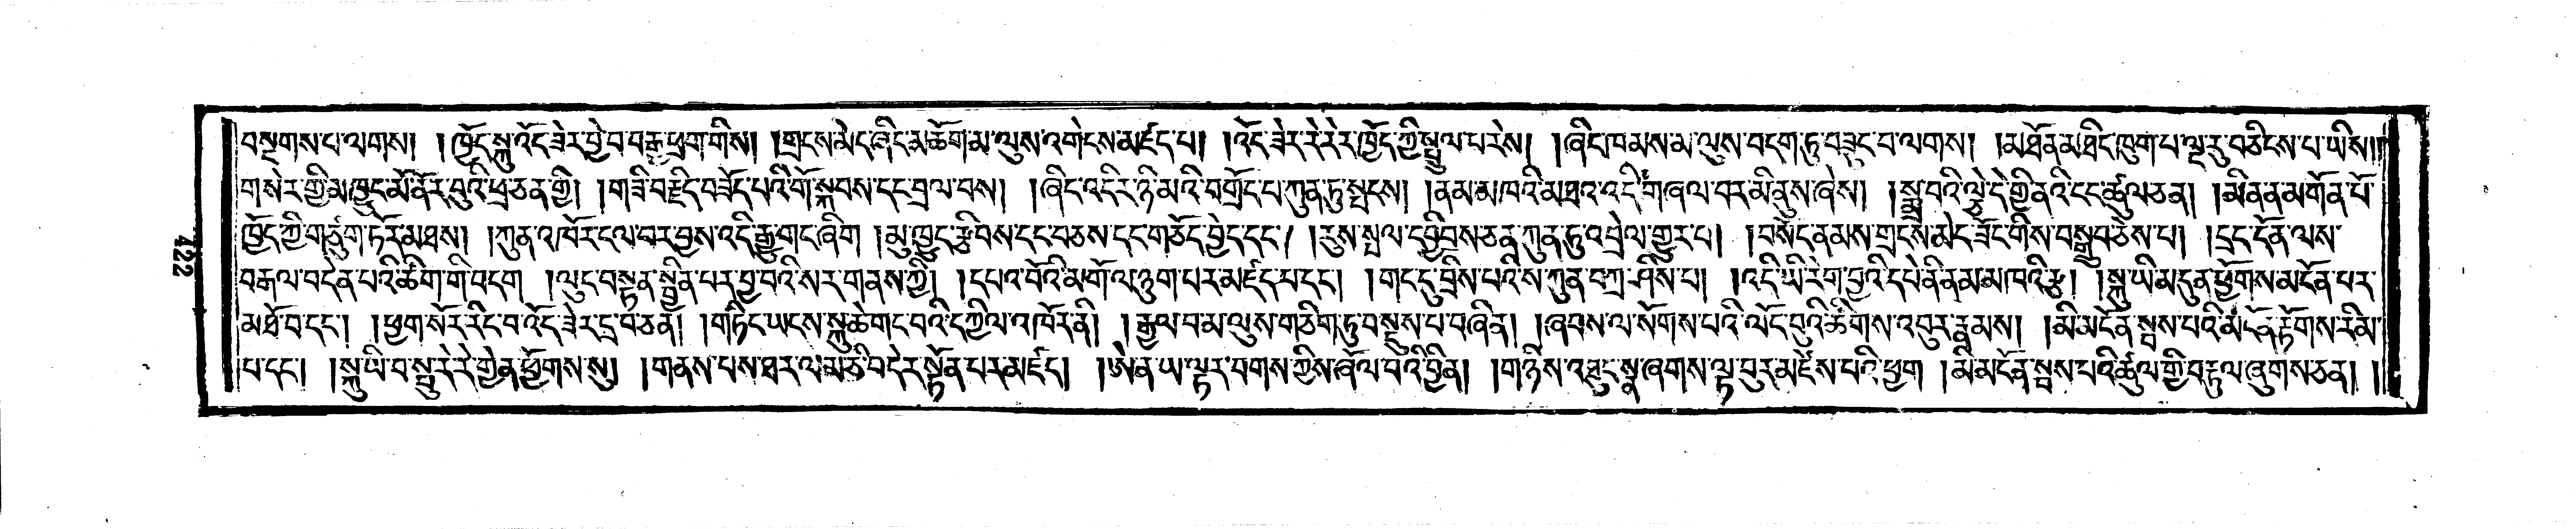བསྔགས་པ་ལགས། །ཁྱོད་སྐུ་འོད་ཟེར་བྱེ་བ་བརྒྱ་ཕྲག་གིས། །གྲངས་མེད་ཞིང་མཆོག་མ་ལུས་འགེངས་མཛད་པ། །འོད་ཟེར་རེ་རེར་ཁྱོད་ཀྱི་སྤྲུལ་པ་རེས། །ཞིང་ཁམས་མ་ལུས་བདག་ཏུ་བཟུང་བ་ལགས། །མཐོན་མཐིང་ཁུག་པ་ལྔ་རུ་བཅིངས་པ་ཡིས།།
གསེར་གྱི་མཁྱུང་མོ་ནོར་བུའི་ཕྲ་ཅན་གྱི། །གཟི་བརྗིད་བཟོད་པའི་གོ་སྐབས་དང་བྲལ་བས། །ཞིང་འདིར་ཉི་མའི་བགྲོང་པ་ཀུན་ཏུ་སྤངས། །ནམ་མཁའི་མཐའ་འདི་གཞལ་བར་མི་ནུས་ཞེས། །སྨྲ་བའི་ལྕེ་དེ་གྱི་ནའི་ངང་ཚུལ་ཅན། །མིན་ན་མགོན་པོ་
ཁྱོད་ཀྱི་གཙུག་ཏོར་མཐས། །ཀུན་འཁོར་ངལ་བར་བྱས་འདི་རྒྱུ་གང་ཞིག །མྱུ་ཁྱུད་རྩིབས་དང་བཅས་དང་གཅོད་བྱེད་དང་། །རུས་སྤལ་དབྱིབས་ཅན་ཀུན་ཏུ་འབྲེལ་གྱུར་པ། །བསོད་ནམས་གྲངས་མེད་ཟོང་གིས་བསྒྲུབ་ཅེས་པ། །དྲང་དོན་ལས་
བརྒལ་བདེན་པའི་ཚིག་གི་བདག །ལུང་བསྟན་སྦྱིན་པར་བྱ་བའི་སར་གནས་ཀྱི། །དཔའ་བོའི་མགོ་ལ་ཉུག་པར་མཛད་པ་དང་། །གང་དུ་བྲིས་པའི་ས་ཀུན་བཀྲ་ཤིས་པ། །འདི་ཡི་རེག་བྱའི་དཔེ་ནི་ནམ་མཁའི་རྩ། །སྐུ་ཡི་མདུན་ཕྱོགས་མངོན་པར་
མཐོ་བ་དང་། །ཕྱག་སོར་རིང་བ་འོད་ཟེར་དྲ་བ་ཅན། །གཏིང་ཡངས་སྐུ་ཆེ་གང་བའི་དཀྱིལ་འཁོར་ནི། །རྒྱལ་བ་མ་ལུས་གཅིག་ཏུ་བསྡུས་པ་བཞིན། །ཞབས་ལ་སོགས་པའི་ལོང་བུའི་ཚིགས་འབུར་རྣམས། །མི་མངོན་སྦས་པའི་མངོན་རྟོགས་རིམ་
པ་དང་། །སྐུ་ཡི་བ་སྤུ་རེ་རེ་གྱེན་ཕྱོགས་སུ། །གནས་པས་ཐར་ལམ་ཅི་བདེར་སྟོན་པར་མཛད། །ཨེ་ན་ཡ་ལྟར་བགས་ཀྱིས་ཞོལ་བའི་བྱིན། །གཉིས་འཐུང་སྣ་ཞགས་ལྟ་བུར་མཛེས་པའི་ཕྱག །མི་མངོན་སྦས་པའི་ཚུལ་གྱི་བརྟུལ་ཞུགས་ཅན། །